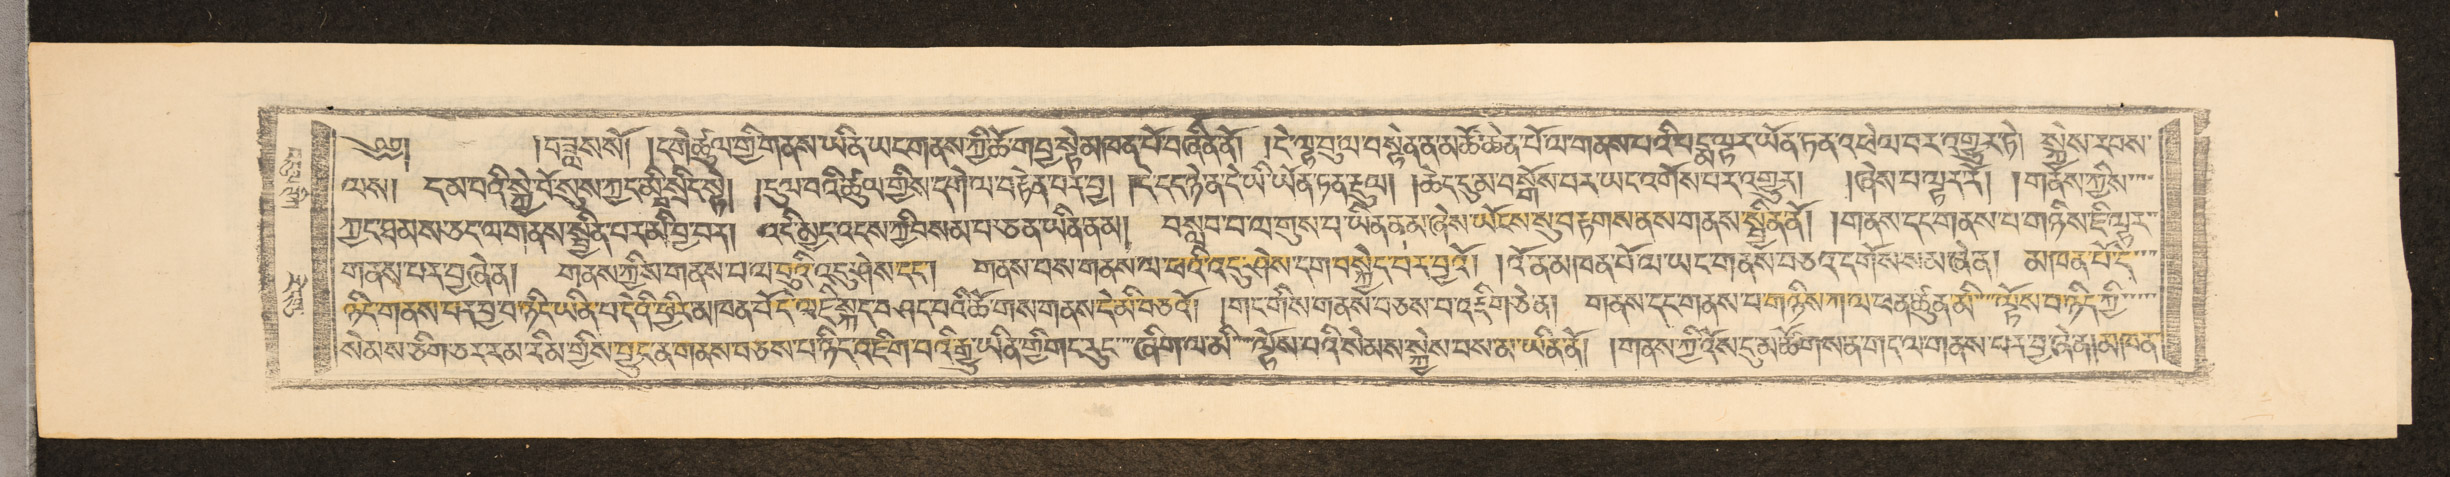༄༅། །བཟླས་སོ། །དགེ་ཚུལ་གྱི་གནས་ཡིན་ཡང་གནས་ཀྱི་ཆོ་ག་བྱ་སྟེ་མཁན་པོ་བཞིན་ནོ། །དེ་ལྟ་བུ་ལ་བསྟེན་ན་མཚོ་ཆེན་པོ་ལ་གནས་བའི་པདམ་ལྟར་ཡོན་ཏན་འཕེལ་བར་འགྱུར་ཏེ། སྐྱེས་རབས་
ལས། དམ་པའི་སྐྱེ་བོ་སུས་ཀྱང་མི་བསྲིང་སྟེ། །དུལ་བའི་ཚུལ་གྱིས་དགེ་ལ་བརྟེན་པར་བྱ། །དེ་དང་ཉེ་ན་དེ་ཡི་ཡོན་ཏན་རྡུལ། །ཚད་དུ་མ་བསྒོས་པར་ཡང་འགོས་པར་འགྱུར། །ཞེས་པ་ལྟར་རོ། །གནས་ཀྱིས་
ཀྱང་ཐམས་ཅད་ལ་གནས་སྦྱིན་པར་མི་བྱ་བར། འདི་མྱང་འདས་ཀྱི་བསམ་པ་ཅན་ཡིན་ནམ། བསླབ་པ་ལ་གུས་པ་ཡིན་ནམ་ཞེས་ཡོངས་སུ་བརྟགས་ནས་གནས་སྦྱིན་ནོ། །གནས་དང་གནས་པ་གཉིས་ཇི་ལྟར་
གནས་པར་བྱ་ཞེ་ན། གནས་ཀྱིས་གནས་པ་ལ་བུའི་འདུ་ཤེས་དང་། གནས་པས་གནས་ལ་ཕའི་འདུ་ཤེས་དག་བསྐྱེད་པར་བྱའོ། །འོ་ན་མཁན་པོ་ལ་ཡང་གནས་བཅའ་དགོས་སམ་ཞེ་ན། མཁན་པོ་དེ་
ཉིད་གནས་པར་བྱ་བ་ཉིད་ཡིན་པ་དེའི་ཕྱིར་མཁན་པོ་དེ་ལ་ཇི་སྐད་བཤད་པའི་ཆོ་གས་གནས་དེ་མི་བཅའོ། །གང་གིས་གནས་བཅས་པ་འཇིག་ཅེ་ན། གནས་དང་གནས་བ་གཉིས་ཀ་ལ་ཕན་ཚུན་མི་ལྟོས་པ་ཉིད་ཀྱི་
སེམས་ཅིག་ཅར་རམ་རིམ་གྱིས་བྱུང་ན་གནས་བཅས་པ་ཉིད་འཇིག་པའི་རྒྱུ་ཡིན་གྱི་གང་རུང་ཞིག་ལ་མི་ལྟོས་པའི་སེམས་སྐྱེས་བས་མ་ཡིན་ནོ། །གནས་ཀྱི་འོས་དུ་མ་ཚོགས་ན་གང་ལ་གནས་པར་བྱ་ཞེ་ན། མཁན་